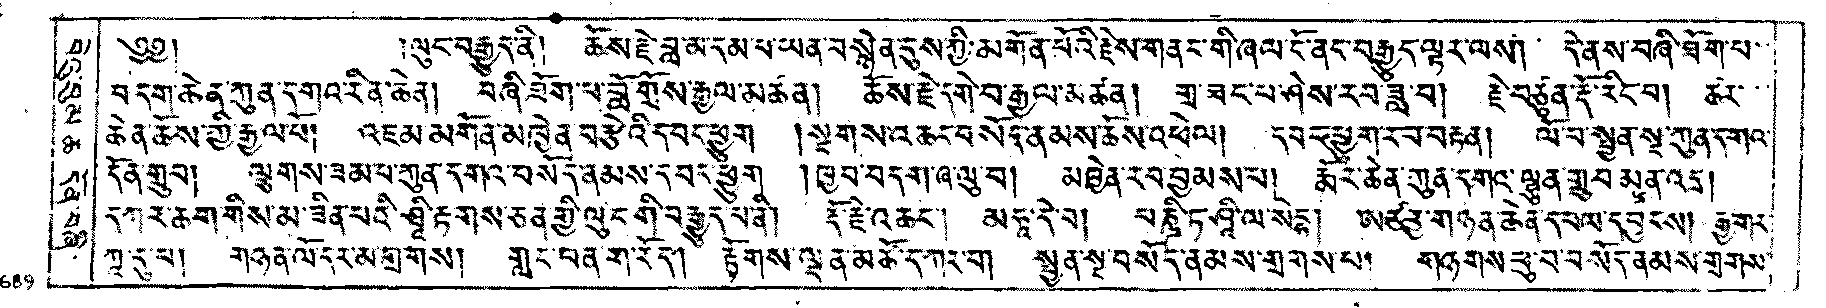༄༅། །ལུང་བརྒྱུད་ནི། ཆོས་རྗེ་བླ་མ་དམ་པ་ཡན་བསྙེན་དུས་ཀྱི་མགོན་པོའི་རྗེས་གནང་གི་ཞལ་ངོ་ནང་བརྒྱུད་ལྟར་ལས། དེ་ནས་བཞི་ཐོག་པ་
བདག་ཆེན་ཀུན་དགའ་རིན་ཆེན། བཞི་ཐོག་པ་བློ་གྲོས་རྒྱལ་མཚན། ཆོས་རྗེ་དགེ་བ་རྒྱལ་མཚན། གྲ་ཐང་པ་ཤེས་རབ་ཟླ་བ། རྗེ་བཙུན་རྡོ་རིང་པ། ཚར་
ཆེན་ཆོས་ཀྱི་རྒྱལ་པོ། འཇམ་མགོན་མཁྱེན་བརྩེའི་དབང་ཕྱུག །སྔགས་འཆང་བསོད་ནམས་ཆོས་འཕེལ། དབང་ཕྱུག་རབ་བརྟན། ལོ་པ་སྤྱན་སྔ་ཀུན་དགའ་
དོན་གྲུབ། ལྕགས་ཟམ་པ་ཀུན་དགའ་བསོད་ནམས་དབང་ཕྱུག །ཁྱབ་བདག་ཞ་ལུ་བ། མཁྱེན་རབ་བྱམས་པ། རྨོར་ཆེན་ཀུན་དགའ་ལྷུན་གྲུབ་མན་~྾་འདྲ།
དཀར་ཆག་གིས་མ་ཟིན་པའི་ཤྲཱི་རྟགས་ཅན་གྱི་ལུང་གི་བརྒྱུད་པ་ནི། རྡོ་རྗེ་འཆང་། མཧཱ་དེ་བ། པཎྜི་ཏ་ཤཱི་ལ་སེངྷ། ཨཙྲྱ་གཉན་ཆེན་དཔལ་དབྱངས། རྒྱ་གར་
ཀཱ་རུ་པ། གཉན་ལོ་དར་མ་གྲགས། གླང་བན་ག་རོད། རྟོགས་ལྡན་མཚོ་དཀར་བ། སྤྱན་སྔ་བསོད་ནམས་གྲགས་པ། གཉགས་ཕུ་བ་བསོད་ནམས་གྲགས་